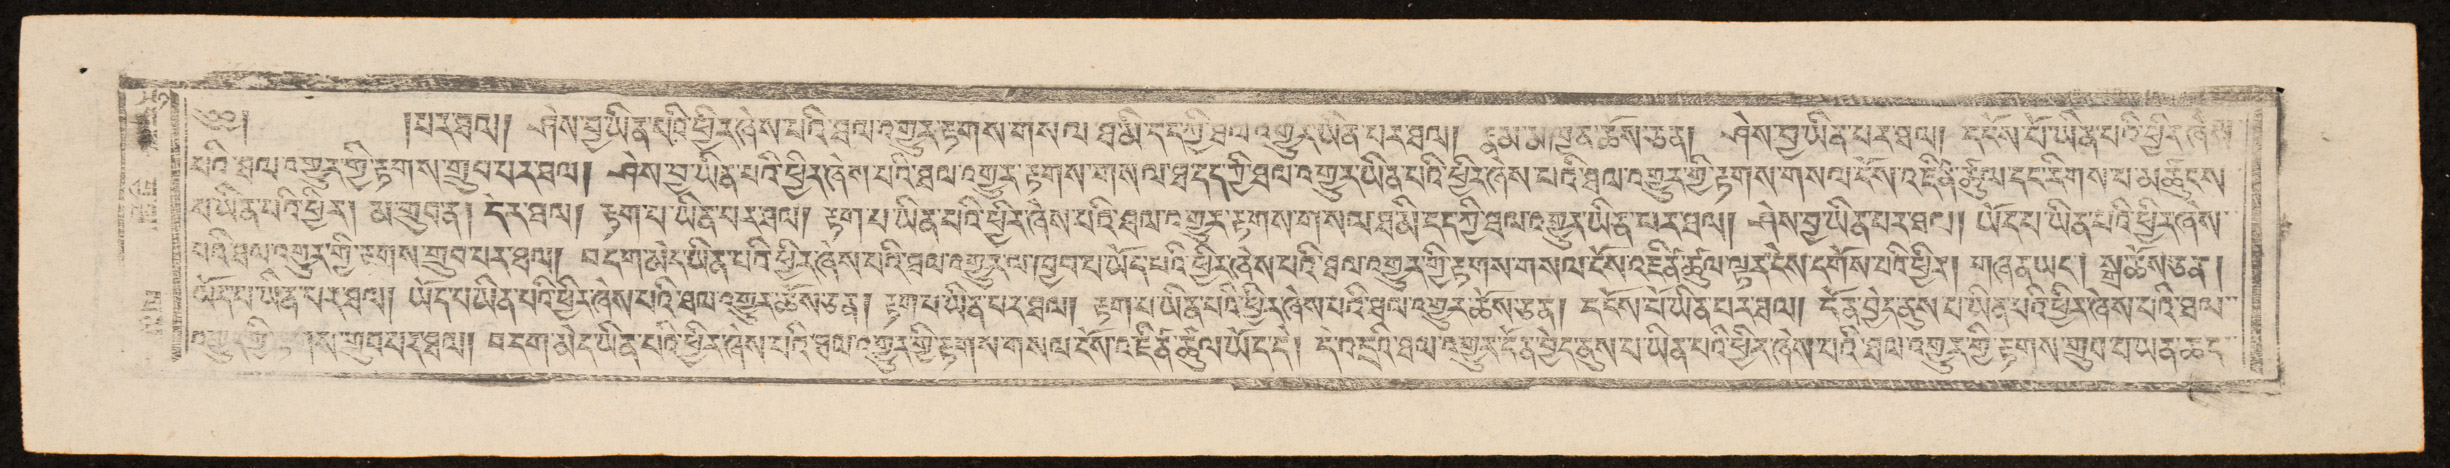༄༅། །པར་ཐལ། ཤེས་བྱ་ཡིན་པའི་ཕྱིར་ཞེས་པའི་ཐལ་འགྱུར་རྟགས་གསལ་ཐ་མི་དད་ཀྱི་ཐལ་འགྱུར་ཡིན་པར་ཐལ། རྣམ་མཁྱེན་ཆོས་ཅན། ཤེས་བྱ་ཡིན་པར་ཐལ། དངོས་པོ་ཡིན་པའི་ཕྱིར་ཞེས་
པའི་ཐལ་འགྱུར་གྱི་རྟགས་གྲུབ་པར་ཐལ། ཤེས་བྱ་ཡིན་པའི་ཕྱིར་ཞེས་པའི་ཐལ་འགྱུར་རྟགས་གསལ་ཐ་དད་ཀྱི་ཐལ་འགྱུར་ཡིན་པའི་ཕྱིར་ཞེས་པའི་ཐལ་འགྱུར་གྱི་རྟགས་གསལ་ངོས་འཛིན་ཚུལ་དང་རིགས་པ་མཚུངས་
པ་ཡིན་པའི་ཕྱིར། མ་གྲུབ་ན། དེར་ཐལ། རྟག་པ་ཡིན་པར་ཐལ། རྟག་པ་ཡིན་པའི་ཕྱིར་ཞེས་པའི་ཐལ་འགྱུར་རྟགས་གསལ་ཐ་མི་དད་ཀྱི་ཐལ་འགྱུར་ཡིན་པར་ཐལ། ཤེས་བྱ་ཡིན་པར་ཐལ། ཡོད་པ་ཡིན་པའི་ཕྱིར་ཞེས་
པའི་ཐལ་འགྱུར་གྱི་རྟགས་གྲུབ་པར་ཐལ། བདག་མེད་ཡིན་པའི་ཕྱིར་ཞེས་པའི་ཐལ་འགྱུར་ལ་ཁྱབ་པ་ཡོད་པའི་ཕྱིར་ཞེས་པའི་ཐལ་འགྱུར་གྱི་རྟགས་གསལ་ངོས་འཛིན་ཚུལ་ལྟར་ངེས་དགོས་པའི་ཕྱིར། གཞན་ཡང་། སྒྲ་ཆོས་ཅན།
ཡོད་པ་ཡིན་པར་ཐལ། ཡོད་པ་ཡིན་པའི་ཕྱིར་ཞེས་པའི་ཐལ་འགྱུར་ཆོས་ཅན། རྟག་པ་ཡིན་པར་ཐལ། རྟག་པ་ཡིན་པའི་ཕྱིར་ཞེས་པའི་ཐལ་འགྱུར་ཆོས་ཅན། དངོས་པོ་ཡིན་པར་ཐལ། དོན་བྱེད་ནུས་པ་ཡིན་པའི་ཕྱིར་ཞེས་པའི་ཐལ་
འགྱུར་གྱི་རྟགས་གྲུབ་པར་ཐལ། བདག་མེད་ཡིན་པའི་ཕྱིར་ཞེས་པའི་ཐལ་འགྱུར་གྱི་རྟགས་གསལ་ངོས་འཛིན་ཚུལ་ཡོད་དེ། དེ་འདྲའི་ཐལ་འགྱུར་དོན་བྱེད་ནུས་པ་ཡིན་པའི་ཕྱིར་ཞེས་པའི་ཐལ་འགྱུར་གྱི་རྟགས་གྲུབ་པ་ཡན་ཆད་